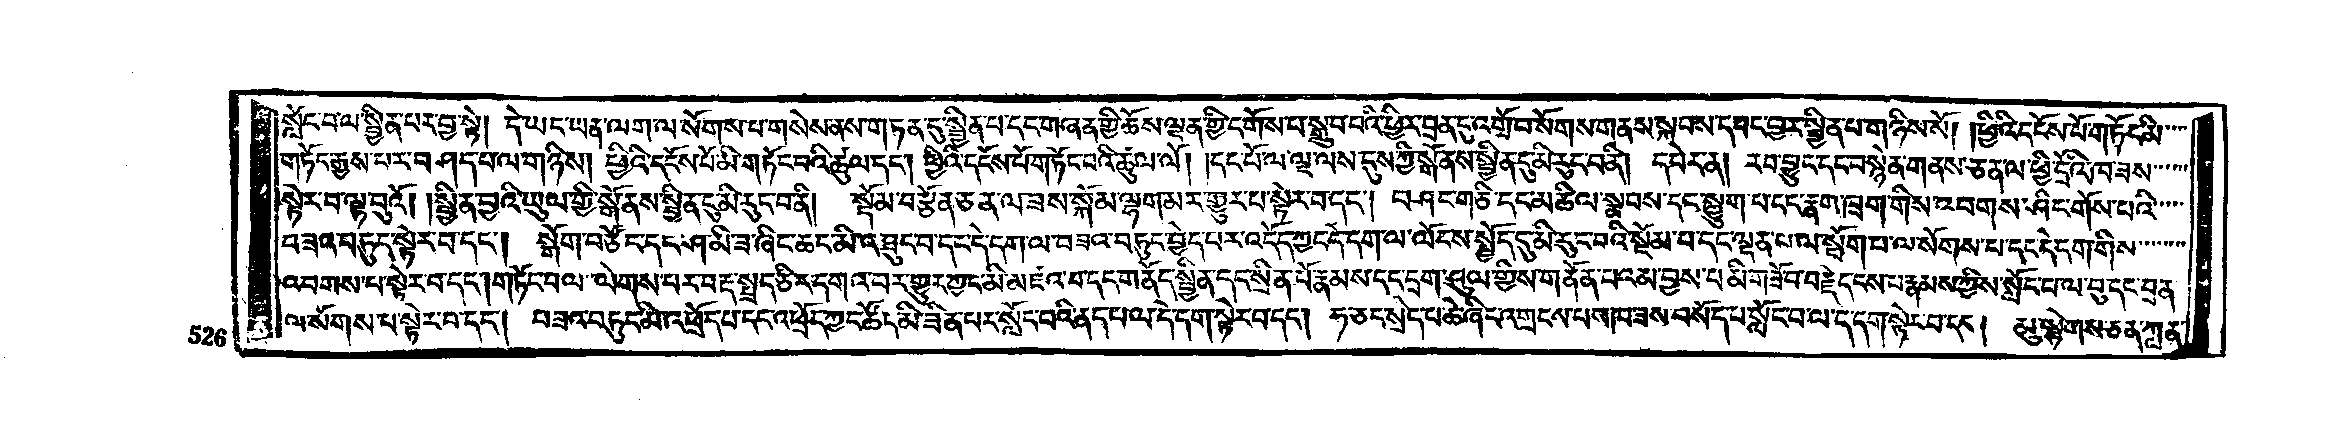སློང་བ་ལ་སྦྱིན་པར་བྱ་སྟེ། དེ་ཡང་ཡན་ལག་ལ་སོགས་པ་གསེས་ནས་གཏན་དུ་སྦྱིན་པ་དང་གཞན་གྱི་ཆོས་ལྡན་གྱི་དགོས་པ་སྒྲུབ་པའི་ཕྱིར་བྲན་དུ་འགྲོ་བ་སོགས་གནས་སྐབས་དབང་བྱར་སྦྱིན་པ་གཉིས་སོ། །ཕྱིའི་དངོས་པོ་གཏོང་མི་
གཏོང་རྒྱས་པར་བཤད་པ་ལ་གཉིས། ཕྱིའི་དངོས་པོ་མི་གཏོང་བའི་ཚུལ་དང་། ཕྱིའི་དངོས་པོ་གཏོང་བའི་ཚུལ་ལོ། །དང་པོ་ལ་ལྔ་ལས་དུས་ཀྱི་སྒོ་ནས་སྦྱིན་དུ་མི་རུང་བ་ནི། དཔེར་ན། རབ་བྱུང་དང་བསྙེན་གནས་ཅན་ལ་ཕྱི་དྲོའི་ཁ་ཟས་
སྟེར་བ་ལྟ་བུའོ། །སྦྱིན་བྱའི་ཡུལ་གྱི་སྒོ་ནས་སྦྱིན་དུ་མི་རུང་བ་ནི། སྡོམ་བརྩོན་ཅན་ལ་ཟས་སྐོམ་ལྷག་མར་གྱུར་པ་སྟེར་བ་དང་། བཤང་གཅི་དང་མཆིལ་སྣབས་དང་སྐྱུག་པ་དང་རྣག་ཁྲག་གིས་འབགས་ཤིང་གོས་པའི་
བཟའ་བཏུང་སྟེར་བ་དང་། སྒོག་བཙོང་དང་ཤ་མི་ཟ་ཞིང་ཆང་མི་འཐུང་བ་དང་དེ་དག་ལ་བཟའ་བཏུང་བྱེད་པར་འདོད་ཀྱང་དེ་དག་ལ་ལོངས་སྤྱོད་དུ་མི་རུང་བའི་སྡོམ་པ་དང་ལྡན་པ་ལ་སྒོག་པ་ལ་སོགས་པ་དང་དེ་དག་གིས་
འབགས་པ་སྟེར་བ་དང་། གཏོང་བ་ལ་ལེགས་པར་བརྡ་སྤྲད་ཅིང་དགའ་བར་གྱུར་ཀྱང་མི་མཛའ་བ་དང་གནོད་སྦྱིན་དང་སྲིན་པོ་རྣམས་དང་དྲག་ཤུལ་གྱིས་གནོན་པའམ་བྱས་པ་མི་གཟོ་བ་བརྗེད་ངས་པ་རྣམས་ཀྱིས་སློང་བ་ལ་བུ་དང་བྲན་
ལ་སོགས་པ་སྟེར་བ་དང་། བཟའ་བཏུང་མི་འཕྲོད་པ་དང་འཕྲོད་ཀྱང་ཚོད་མི་ཟིན་པར་སློང་བའི་ནད་པ་ལ་དེ་དག་སྟེར་བ་དང་། ཧ་ཅང་སྲེད་པ་ཆེ་ཞིང་འགྲངས་པས་ཁ་ཟས་བསོད་པ་སློང་བ་ལ་དེ་དག་སྟེར་བ་དང་། མུ་སྟེགས་ཅན་ཀླན་